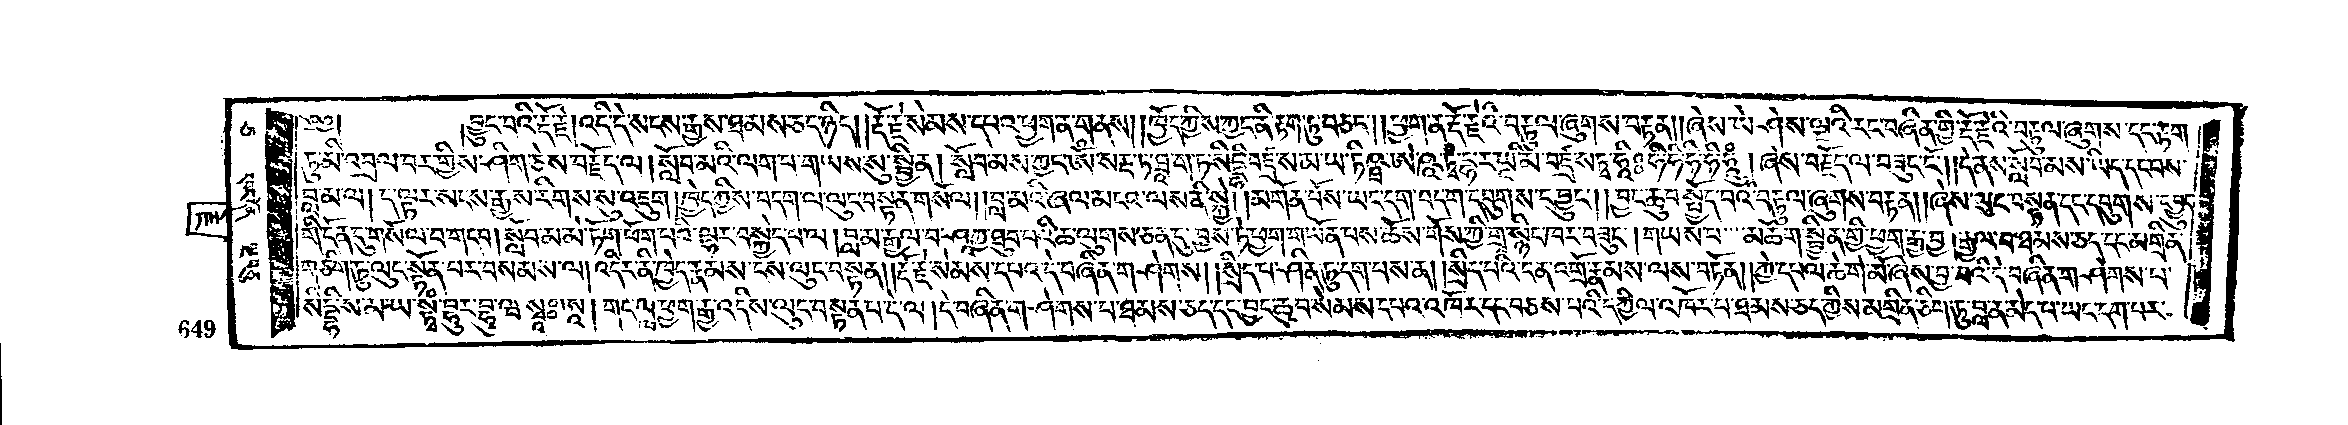༄༅། །བྱུང་བའི་རྡོ་རྗེ། འདི་དེ་སངས་རྒྱས་ཐམས་ཅད་ཉིད། །རྡོ་རྗེ་སེམས་དཔའ་ཕྱག་ན་གནས། །ཁྱོད་ཀྱིས་ཀྱང་ནི་རྟག་ཏུ་བཅང་། །ཕྱག་ན་རྡོ་རྗེའི་བརྟུལ་ཞུགས་བརྟན། །ཞེས་ཡེ་ཤེས་ལྔའི་རང་བཞིན་གྱི་རྡོ་རྗེའི་བརྟུལ་ཞུགས་དང་རྟག་
ཏུ་མི་འབྲལ་བར་གྱིས་ཤིག་ཅེས་བརྗོད་ལ། སློབ་མའི་ལག་པ་གཡས་སུ་སྦྱིན། སློབ་མས་ཀྱང་ཨོཾ་སརྦ་ཏ་ཐཱ་ག་ཏ་སིདྡྷི་བཛྲ་ས་མ་ཡ་ཏིཥཊཿཨ་ཨེ་ཥཱ་ཏཝཾ་དྷ་ར་ཡཱ་མི་བཛྲ་སཏྭ་ཧཱིཿ ཧི་ཧི་ཧི་ཧི་ཧཱུཾ། ཞེས་བརྗོད་ལ་བཟུང་ངོ། །དེ་ནས་སློབ་མས་ཡིད་དང་བས་
བླ་མ་ལ། ད་ལྟར་སངས་རྒྱས་རིགས་སུ་འཇུག །ཁྱེད་ཀྱིས་བདག་ལ་ལུང་བསྟན་གསོལ། །བླ་མའི་ཞལ་མངའ་ལས་ནི་སྐྱེ། །མགོན་པོས་ཡང་དག་བདག་དབུགས་དབྱུང་། །བྱང་ཆུབ་སྤྱོད་པའི་བརྟུལ་ཞུགས་བརྟན། །ཞེས་པས་བསྟན་དང་དབུགས་དབྱུང་
གི་དོན་དུ་གསོལ་བ་གདབ། སློབ་མ་མེ་ཏོག་ཕོག་པའི་ལྷར་བསྐྱེད་པ་ལ། བླ་མ་རྒྱལ་བ་ཤཱཀྱ་ཐུབ་པའི་ཆ་ལུགས་ཅན་དུ་བྱས་ཏེ་ཕྱག་གཡོན་པས་ཆོས་གོས་ཀྱི་གྲྭ་སྙིང་ཁར་བཟུང་། གཡས་པ་མཆོག་སྦྱིན་གྱི་ཕྱག་རྒྱ་བྱ། རྒྱལ་བ་ཐམས་ཅད་དང་མགྲིན་
གཅིག་ཏུ་ལུང་སྟོན་པར་བསམས་ལ། འདིར་ནི་ཁྱེད་རྣམས་ངས་ལུང་བསྟན། །རྡོ་རྗེ་སེམས་དཔའ་དེ་བཞིན་གཤེགས། །སྲིད་པ་ཤིན་ཏུ་དག་པས་ན། །སྲིད་པའི་ངན་འགྲོ་རྣམས་ལས་བཏོན། །ཀྱེ་དཔལ་ཆེ་གེ་མོ་ཞེས་བྱ་བའི་དེ་བཞིན་གཤེགས་པ་
སིདྡྷི་ས་མ་ཡ་སཏཝཾ་བྷུར་བྷུ་ཝ་སྭཱཿ ཨཱ། གང་ལ་ཕྱག་རྒྱ་འདིས་ལུང་བསྟན་པ་དེ་ལ། དེ་བཞིན་གཤེགས་པ་ཐམས་ཅད་དང་བྱང་ཆུབ་སེམས་དཔའ་འཁོར་དང་བཅས་པའི་དཀྱིལ་འཁོར་པ་ཐམས་ཅད་ཀྱིས་མགྲིན་ཅིག་ཏུ་བླ་ན་མེད་པ་ཡང་དག་པར་